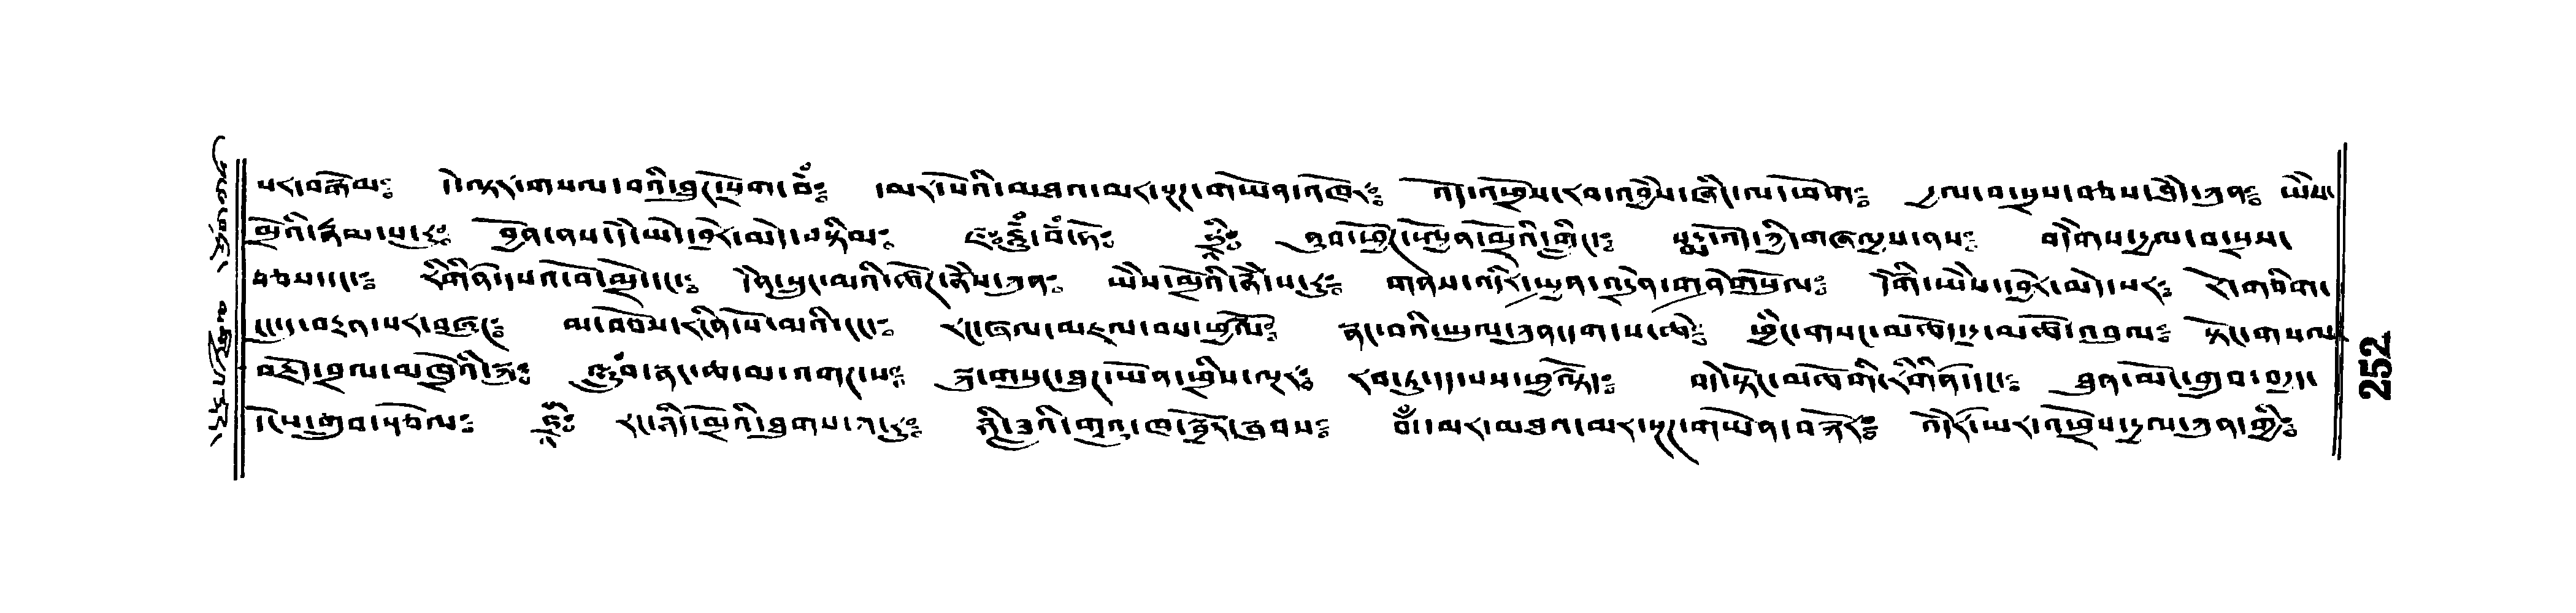པར་བསྒོམ༔ དེ་ལྟར་གསལ་བའི་ཐུགས་སྲོག་བྃ༔ དམར་པོའི་མཐའ་མར་སྔགས་གཡོན་འཁོར༔ འོད་འཕྲོས་རབ་འབྱམས་ཞིང་ལ་ཕོག༔ རྒྱལ་བ་སྲས་བཅས་ཐམས་ཅད་ཀུན༔ ཡེ་ཤེས་
མཁའ་འགྲོའི་རྣམ་པར་རུ༔ བྱོན་ནས་དམ་ཡེ་དབྱེར་མེད་བསྟིམ༔ ཛཿཧཱུྃ་བྃ་ཧོཿཧྲཱིཿ ནུབ་ཕྱོགས་ཨོ་རྒྱན་མཁའ་འགྲོའི་གླིང༔ པདྨ་འོད་ཀྱི་གཞལ་ཡས་ནས༔ བདེ་ཤེགས་རྒྱལ་བ་སྲས་
བཅས་དང༔ རིག་འཛིན་དཔའ་བོ་མཁའ་འགྲོ་དང༔ དམ་ཅན་སྲུང་མའི་ཚོགས་རྣམས་ཀུནཿ ཡེ་ཤེས་མཁའ་འགྲོའི་རྣམ་པ་རུ༔ གནས་འདིར་སྤྱན་འདྲེན་གཤེགས་སུ་གསོལ༔ དམ་ཚིག་ཡེ་ཤེས་དབྱེར་མེད་པར༔ རོ་གཅིག་
ངང་དུ་བརྟན་པར་བཞུགས༔ མ་བཅོས་རང་བཞིན་སོ་མའི་ངང༔ རང་ཞལ་མཇལ་བས་ཕྱག་འཚལ་ལོ༔ སྣང་བའི་ཡུལ་ཀུན་དག་པ་ཆེ༔ ཕྱི་ནང་གསང་མཆོད་རྒྱ་མཚོ་འབུལ༔ སྟོང་གསལ་
བརྗོད་བྲལ་མཁའ་འགྲོའི་སྐུ༔ ལྷུན་གྲུབ་སྣང་ཆ་མ་འགགས་པ༔ སྐུ་གསུང་ཐུགས་ཡོན་ཕྲིན་ལས་ལྔར༔ རབ་ཏུ་དད་པས་ཕྱག་འཚལ་བསྟོད༔ བདེ་སྟོང་མཆོག་གི་རིག་འཛིན་དང༔ ཐུན་མོང་གྲུབ་བརྒྱད་
དངོས་གྲུབ་སྩོལ༔ ཧྲཱིཿ རང་ཉིད་མཁའ་འགྲོའི་ཐུགས་ཀ་རུ༔ ཉི་ཟླའི་གྭའུ་ཁ་སྦྱོར་སྦུབས༔ བྃ་དམར་མཐའ་མར་སྔགས་གཡོན་བསྐོར༔ འོད་ཟེར་ཡར་འཕྲོས་རྒྱལ་ཀུན་གྱི༔